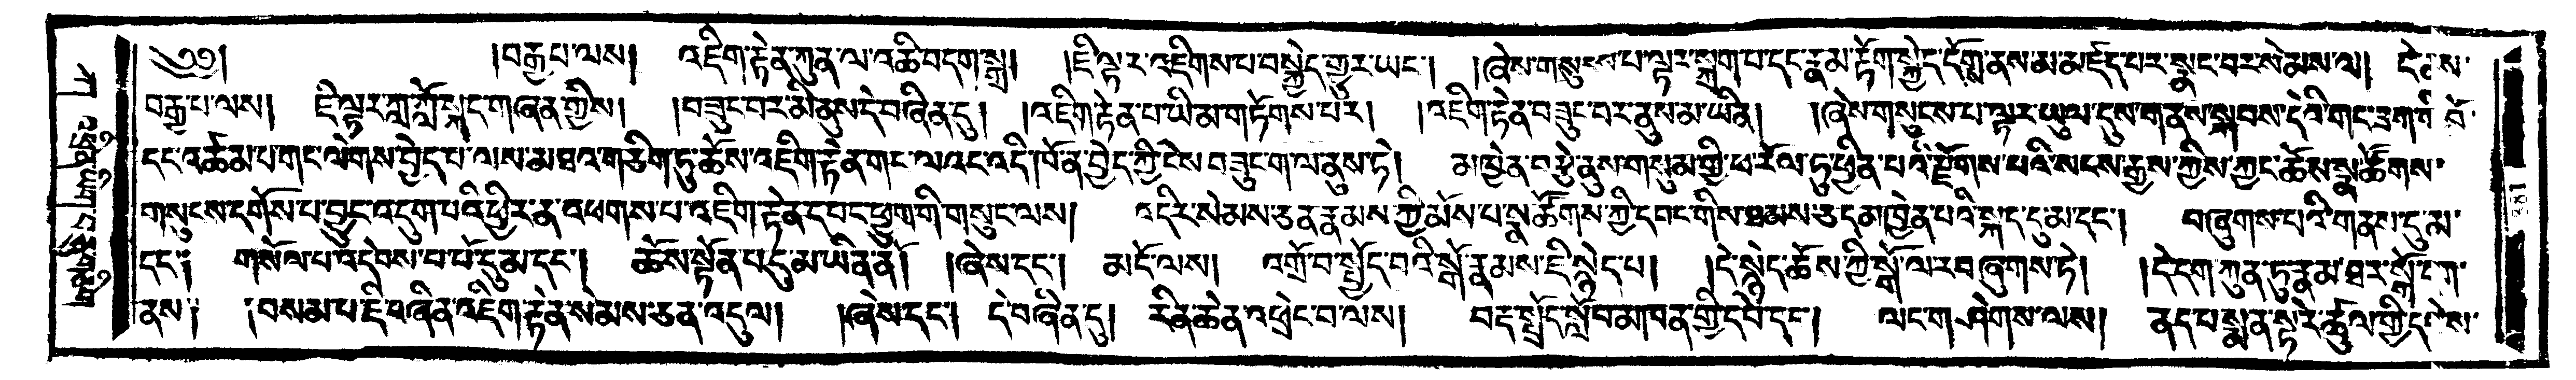༄༅། །བརྒྱ་བ་ལས། འཇིག་རྟེན་ཀུན་ལ་འཆི་བདག་སྒྲ། །ཇི་ལྟར་འཇིགས་པ་བསྐྱེད་གྱུར་ཡང་། །ཞེས་གསུངས་པ་ལྟར་སྐུག་པ་དང་རྣམ་རྟོག་སྐྱེད་དོགས་ནས་མ་མཛད་པར་སྣང་བར་སེམས་ལ། དེ་ནས་
བརྒྱ་པ་ལས། ཇི་ལྟར་ཀླ་ཀློ་སྐད་གཞན་གྱིས། །བཟུང་བར་མི་ནུས་དེ་བཞིན་དུ། །འཇིག་རྟེན་པ་ཡི་མ་གཏོགས་པར། །འཇིག་རྟེན་བཟུང་བར་ནུས་མ་ཡིན། །ཞེས་གསུངས་པ་ལྟར་ཡུལ་དུས་གནས་སྐབས་དེའི་གང་ཟག་གི?་བོ་
དང་འཚམ་པ་གང་ལེགས་བྱེད་པ་ལས་མཐའ་གཅིག་ཏུ་ཆོས་འཇིག་རྟེན་གང་ལའང་འདི་ཁོ་ན་བྱེད་ཀྱི་ངེས་བཟུང་ག་ལ་ནུས་ཏེ། མཁྱེན་བརྩེ་ནུས་གསུམ་གྱི་ཕ་རོལ་ཏུ་ཕྱིན་པའི་རྫོགས་པའི་སངས་རྒྱས་ཀྱིས་ཀྱང་ཆོས་སྣ་ཚོགས་
གསུངས་དགོས་པ་བྱུང་འདུག་པའི་ཕྱིར་ན་འཕགས་པ་འཇིག་རྟེན་དབང་ཕྱུག་གི་གསུང་ལས། འདིར་སེམས་ཅན་རྣམས་ཀྱི་མོས་པ་སྣ་ཚོགས་ཀྱི་དབང་གིས་ཐམས་ཅད་མཁྱེན་པའི་སྐད་དུ་མ་དང་། བཞུགས་པའི་གནས་དུ་མ་
དང་། གསོལ་པ་བདེབས་པ་པོ་དུ་མ་དང་། ཆོས་སྟོན་བདུ་མ་ཡིན་ནོ། །ཞེས་དང་། མདོ་ལས། འགྲོ་བ་སྤྱོད་པའི་སྒོ་རྣམས་ཇི་སྙེད་པ། །དེ་སྙེད་ཆོས་ཀྱི་སྒོ་ལ་རབ་ཞུགས་ཏེ། །དེ་དག་ཀུན་ཏུ་རྣམ་ཐར་སྒོ་དག་
ནས། །བསམ་པ་ཇི་བཞིན་འཇིག་རྟེན་སེམས་ཅན་འདུལ། །ཞེས་དང་། དེ་བཞིན་དུ། རིན་ཆེན་འཕྲེང་བ་ལས། བརྡ་སྤྲོད་སློབ་མཁན་གྱི་དཔེ་དང་། ལང་གཤེགས་ལས། ནད་པ་སྨན་སྟེར་ཚུལ་གྱི་དབེས?